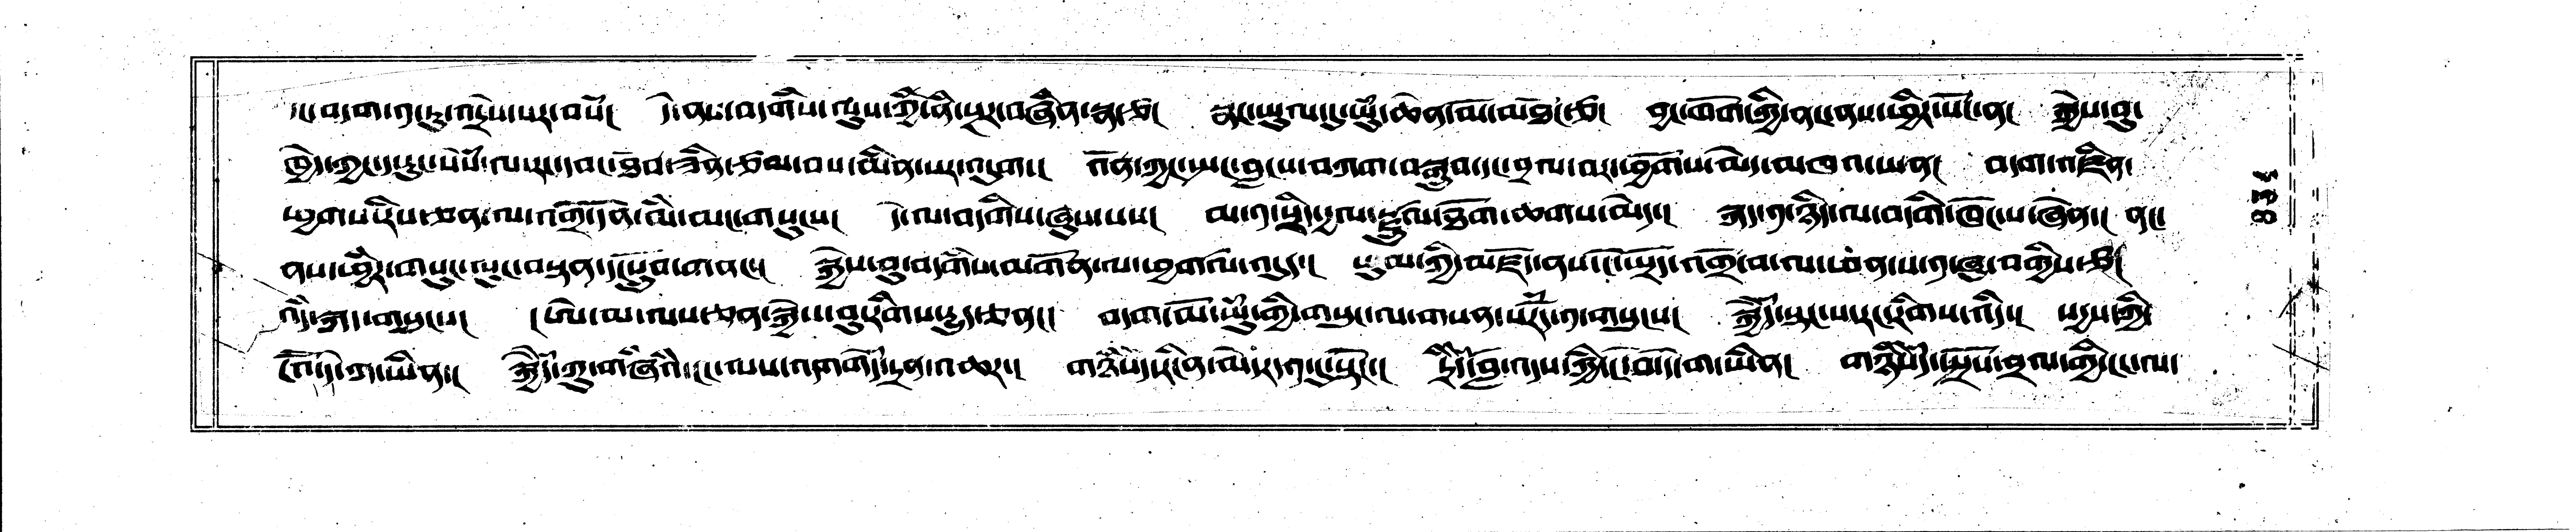དང་བདག་གཅིག་ཏུ་འདྲེས་པར་བསམ། དེ་ནས་བདག་གི་ལུས་ཀྱི་སྔར་བཞིན་སྣ་༼སྣང༽ཙ། སྣང་ཡུལ་དུ་ཡུམ་ཆེན་མོ་མཐོང་ཙ། བྱང་ཁོག་ཀྱི་ནང་ནས་ཕྱིར་སོང་ན། སྐྱེས་བུ་
ཁྱེད་ཀྱང་ད་རུང་སེམས་ལ་རང་དབང་ཐོབ་ཟིན་ཙམ་བས་མིན་པར་འདུག འོན་ཀྱང་སྤང་བླང་བཀག་བསྒྲུབ་དང་བྲལ་བར་ཕྱོགས་མེད་མཁའ་ཡན། བདག་འཛིན་
ཕྱོགས་རིས་ཅན་ལ་འགྲོ་དོན་མི་མང་གསུངས། དེ་ལ་བདག་གིས་ཞུས་པས། མ་གཅིག་སྲིད་རྒྱལ་རྫུ་འཕྲུལ་ཐོག་ཆགས་མེད། །སྐད་ཅིག་ཉིད་ལ་བདག་གི་ཁོང་པར་ཞེན། །ནང་
ནས་ཕྱིར་གསུང་ལུང་བསྟན་དངོས་གྲུབ་གནང་། །སྐྱེས་བུ་བདག་གི་མགོན་ལ་ཕྱག་འཚལ་འདུད། །ཡུམ་གྱི་མཛོད་ནས་ངོ་སྤྲོད་འགྲོ་བ་ལ་ཕན་པ་ཅིག་ཞུ་བགྱིས་ཙ། 
འདི་སྐད་གསུངས། ཨེ་མ་ལས་ཅན་སྐྱེས་བུ་རིགས་རྒྱུད་ཅན། བདག་མོ་ཡུམ་གྱི་གསུང་ལ་གསན་པར་མཛོད་ཅིག་གསུངས། སྐྱེ་མེད་སྟོང་པ་རང་རིག་འདི། སངས་རྒྱས་ཀྱི་
ངོའོ་དེ་ཀ་ཡིན། སྐྱེ་མེད་ཀུན་གཞིའི་ངང་ལས་འགག་དྲན་པཆར། གཉིས་མེད་རང་བཞིན་མེད་པར་གཅིག་ཏུ་སྟོང་། དྲི་མེད་བློ་འདས་ཀྱི་ངོའོ་དེ་ག་ཡིན། གཉིས་མེད་སྤྲོས་བྲལ་གྱི་ངང་ལ་